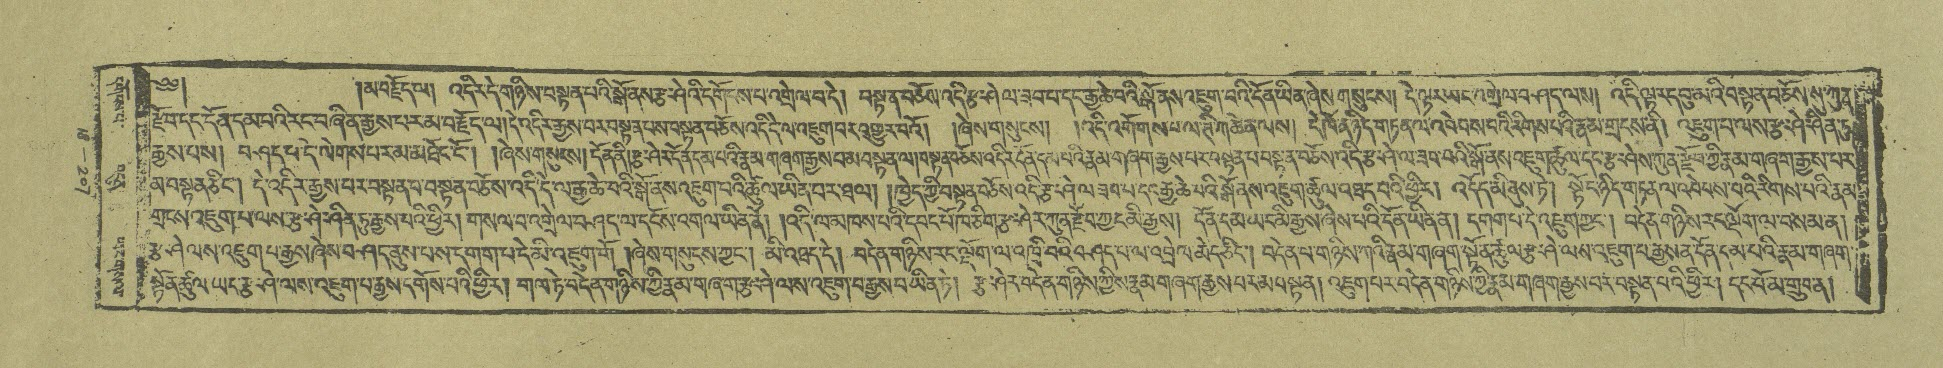༄༅། །མ་བརྗོད་ལ། འདིར་དེ་གཉིས་བསྟན་པའི་སྒོ་ནས་རྩ་ཤེའི་དགོངས་པ་འགྲེལ་བ་དེ། བསྟན་བཅོས་འདི་རྩ་ཤེ་ལ་ཟབ་པ་དང་རྒྱ་ཆེ་བའི་སྒོ་ནས་འཇུག་པའི་དོན་ཡིན་ཞེས་གསུངས། དེ་ལྟར་ཡང་འགྲེལ་བཤད་ལས། འདི་ལྟར་དབུ་མའི་བསྟན་བཅོས་སུ་ཀུན་
རྫོབ་དང་དོན་དམ་པའི་རང་བཞིན་རྒྱས་པར་མ་བརྗོད་ལ། དེ་འདིར་རྒྱས་པར་བསྟན་པས་བསྟན་བཅོས་འདི་དེ་ལ་འཇུག་པར་འགྱུར་བའོ། །ཞེས་གསུངས། །འདི་འགོགས་པ་ལ་ཊཱིཀ་ཆེན་ལས། དེ་ཁོ་ན་ཉིད་གཏན་ལ་འབབས་པའི་རིགས་པའི་རྣམ་གྲངས་ནི། འཇུག་པ་ལས་རྩ་ཤེ་ཤིན་ཏུ་
རྒྱས་པས། བཤད་པ་དེ་ལེགས་པར་མ་མཐོང་ངོ། །ཞེས་གསུངས། དོན་ནི། རྩ་ཤེར་དོན་དམ་པའི་རྣམ་གཞག་རྒྱས་པ་མ་བསྟན་ལ། བསྟན་བཅོས་འདིར་དོན་དམ་པའི་རྣམ་གཞག་རྒྱས་པར་བསྟན་པ་བསྟན་བཅོས་འདི་རྩ་ཤེས་ལ་ཟབ་པའི་སྒོ་ནས་འཇུག་ཚུལ་དང་རྩ་ཤེས་ཀུན་རྫོབ་ཀྱི་རྣམ་གཞག་རྒྱས་པར་
མ་བསྟན་ཅིང་། དེ་འདིར་རྒྱས་པར་བསྟན་པ་བསྟན་བཅོས་འདི་དེ་ལ་རྒྱ་ཆེ་བའི་སྒོ་ནས་འཇུག་པའི་ཚུལ་ཡིན་པར་ཐལ། །ཁྱེད་ཀྱི་བསྟན་བཅོས་འདི་རྩ་ཤེ་ལ་ཟབ་པ་དང་རྒྱ་ཆེ་བའི་སྒོ་ནས་འཇུག་ཚུལ་འཐད་པའི་ཕྱིར། འདོད་མི་ནུས་ཏེ། སྟོང་ཉིད་གཏན་ལ་འབེབས་པའི་རིགས་པའི་རྣམ་
གྲངས་འཇུག་པ་ལས་རྩ་ཤེ་ཤིན་ཏུ་རྒྱས་པའི་ཕྱིར། གསལ་བ་འགྲེལ་བཤད་ལ་དངོས་འགལ་ཡིན་ནོ། །འདི་ལ་མཁས་པའི་དབང་པོ་ཁ་ཅིག་རྩ་ཤེར་ཀུན་རྫོབ་ཀྱང་མི་རྒྱས། དོན་དམ་ཡང་མི་རྒྱས་ཞེས་པའི་དོན་ཡིན་ན། དགག་བ་དེ་འཇུག་ཀྱང་། བདེན་གཉིས་དང་ལྡོག་ལ་བསམ་ན།
རྩ་ཤེ་ལས་འཇུག་པ་རྒྱས་ཞེས་བཤད་ནུས་པས་དགག་པ་དེ་མི་འཇུག་གོ །ཞེས་གསུངས་ཀྱང་། མི་འཐད་དེ། བདེན་གཉིས་རང་ལྡོག་ལ་འཁྲི་བའི་བཤད་པ་ལ་འབྲེལ་མེད་ཅིང་། བདེན་པ་གཉིས་ཀའི་རྣམ་གཞག་སྟོན་ཚུལ་རྩ་ཤེ་ལས་འཇུག་པ་རྒྱས་ན་དོན་དམ་པའི་རྣམ་གཞག་
སྟོན་ཚུལ་ཡང་རྩ་ཤེ་ལས་འཇུག་པ་རྒྱས་དགོས་པའི་ཕྱིར། གལ་ཏེ་བདེན་གཉིས་ཀྱི་རྣམ་གཞག་རྩ་ཤེ་ལས་འཇུག་པ་རྒྱས་པ་ཡིན་ཏེ། རྩ་ཤེར་བདེན་གཉིས་ཀྱིས་རྣམ་གཞག་རྒྱས་པར་མ་བསྟན། འཇུག་པར་བདེན་གཉིས་ཀྱི་རྣམ་གཞག་རྒྱས་པར་བསྟན་པའི་ཕྱིར། དང་པོ་མ་གྲུབ་ན།